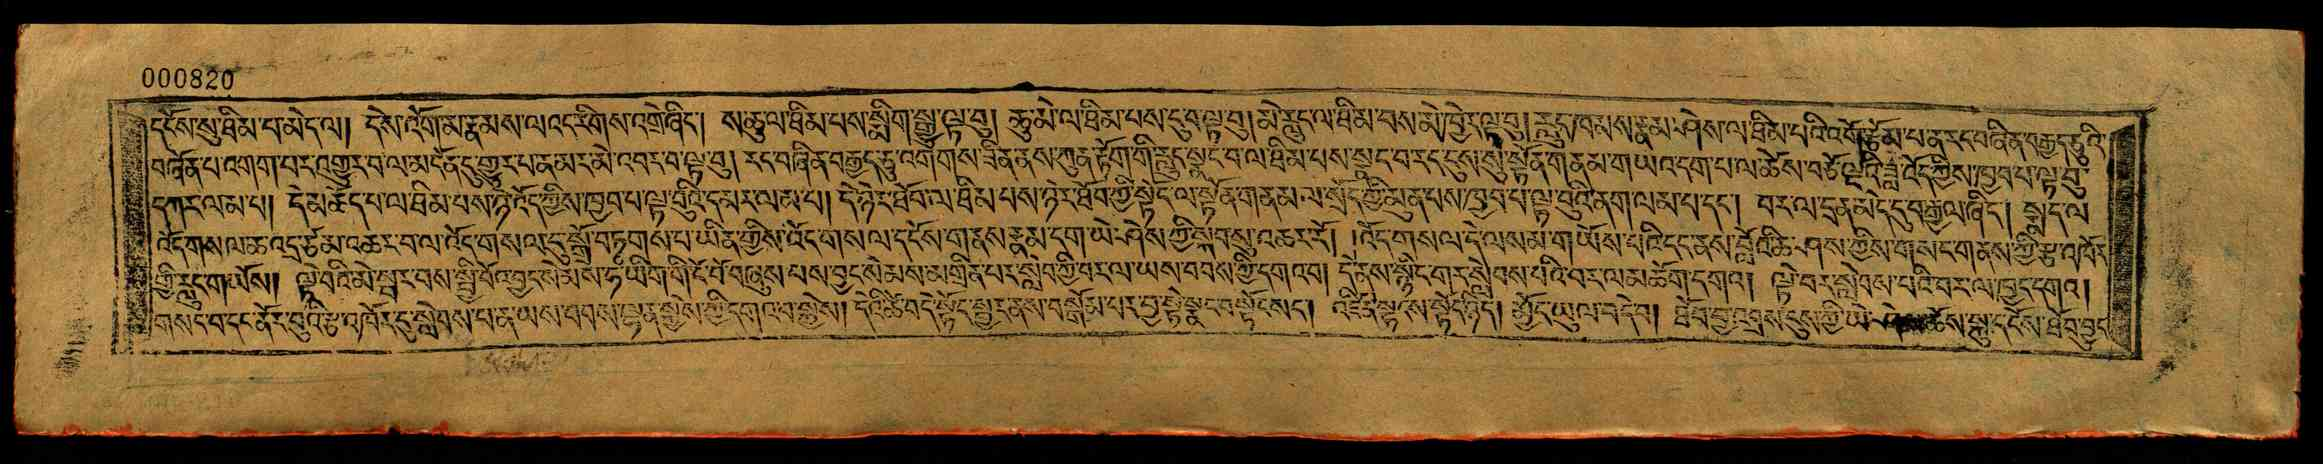དངོས་སུ་ཐིམ་པ་མེད་ལ། དེས་འོག་མ་རྣམས་ལའང་རིགས་འགྲེ་ཞིང་། ས་ཆུ་ལ་ཐིམ་པས་སྨིག་སྒྱུ་ལྟ་བུ། ཆུ་མེ་ལ་ཐིམ་པས་དུ་བ་ལྟ་བུ། མེ་རླུང་ལ་ཐིམ་པས་མེ་ཁྱེར་ལྟ་བུ། རླུང་ཁམས་རྣམ་ཤེས་ལ་ཐིམ་པའི་འགོ་རྩོམ་པ་ན་རང་བཞིན་བརྒྱད་ཅུའི་
བཞོན་པ་འགག་པར་འགྱུར་བ་ལ་མངོན་དུ་གྱུར་པ་ན་མར་མེ་འབར་བ་ལྟ་བུ། རང་བཞིན་བརྒྱད་ཅུ་འགགས་ཟིན་ནས་ཀུན་རྟོག་གི་རླུང་སྣང་བ་ལ་ཐིམ་པས་སྣང་བ་རང་དུས་སུ་སྟོན་གནམ་གཡའ་དག་པ་ལ་ཚེས་བཅོ་ལྔའི་ཟླ་འོད་ཀྱིས་ཁྱབ་པ་ལྟ་བུ་
དཀར་ལམ་པ། དེ་མཆེད་པ་ལ་ཐིམ་པས་ཉི་འོད་ཀྱིས་ཁྱབ་པ་ལྟ་བུའི་དམར་ལམ་པ། དེ་ཉེར་ཐོབ་ལ་ཐིམ་པས་ཉེར་ཐོབ་ཀྱི་སྟོད་ལ་སྟོན་གནམ་ལ་སྲོད་ཀྱི་མུན་པས་ཁྱབ་པ་ལྟ་བུའི་ནག་ལམ་པ་དང་། བར་ལ་དྲན་མེད་དུ་བརྒྱལ་ཞིང་། སྨད་ལ་
འོད་གསལ་ཆ་འདྲ་ཙམ་འཆར་བ་ལ་འོད་གསལ་དུ་སྒྲོ་བཏགས་པ་ཡིན་གྱིས་འོད་གསལ་དངོས་གནས་རྣམ་དག་ཡེ་ཤེས་ཀྱི་སྐབས་སུ་འཆར་རོ། །འོད་གསལ་དེ་ལས་མ་གཡོས་པའི་ངང་ནས་བློའི་ཆ་ཤས་ཀྱིས་གསང་གནས་ཀྱི་རྩ་འཁོར་
གྱི་རླུང་གཡོས། ལྟེ་བའི་མེ་སྦར་བས་སྤྱི་བོའི་བྱང་སེམས་ཧ་ཡིག་གི་འོད་བཞུས་པས་བྱང་སེམས་མགྲིན་པར་སླེབ་ཀྱི་བར་ལ་ཡས་བབས་ཀྱི་དགའ་བ། དེ་ནས་སྙིང་གར་སླེབས་པའི་བར་ལ་མཆོག་དགའ། ལྟེ་བར་སླེབས་པའི་བར་ལ་ཁྱད་དགའ།
གསང་བ་དང་ནོར་བུའི་རྩ་འཁོར་དུ་སླེབས་པ་ན་ཡས་བབས་ལྷན་སྐྱེས་ཀྱི་དགའ་བ་སྐྱེས། དེའི་ཚེ་བདེ་སྟེང་སྦྱར་ནས་བསྒོམ་པར་བྱ་སྟེ་སྣང་བ་སྟོང་སང་། འཛིན་སྟངས་སྟོང་ཉིད། མྱོང་ཡུལ་བདེ་བ། ཐོབ་བྱ་འབྲས་དུས་ཀྱི་ཡེ་ཤེས་ཆོས་སྐུ་དངོས་ཐོབ་བྱུང་